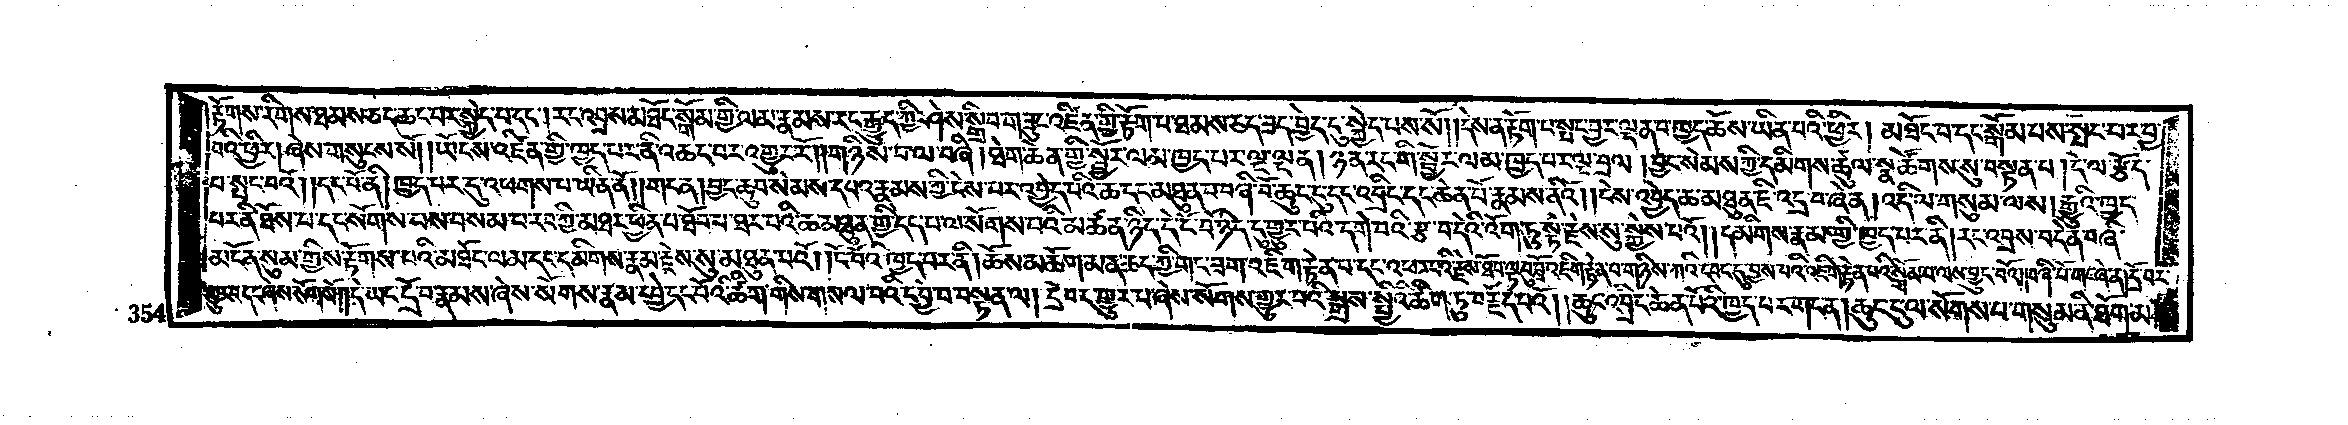རྟོགས་རིགས་ཐམས་ཅད་ཆང་བར་སྐྱེད་པ་དང་། རང་འབྲས་མཐོང་སྒོམ་གྱི་ལམ་རྣམས་རང་རྒྱུད་ཀྱི་ཤེས་སྒྲིབ་གཟུང་འཛིན་གྱི་རྟོག་པ་ཐམས་ཅད་ཟད་བྱེད་དུ་སྐྱེད་པས་སོ། །དེས་ན་རྟོག་པ་སྤང་བྱར་ལྡན་པ་ཁྱད་ཆོས་ཡིན་པའི་ཕྱིར། མཐོང་བ་དང་སྒོམ་པས་སྤང་བར་བྱ་
བའི་ཕྱིར། ཞེས་གསུངས་སོ། །ཡོངས་འཛིན་གྱི་ཁྱད་པར་ནི་འཆད་པར་འགྱུར་རོ། །གཉིས་པ་ལ་བཞི། ཐེག་ཆེན་གྱི་སྦྱོར་ལམ་ཁྱད་པར་ལྔ་ལྡན། ཉན་རང་གི་སྦྱོར་ལམ་ཁྱད་པར་ལྔ་བྲལ། བྱང་སེམས་ཀྱི་དམིགས་ཚུལ་སྣ་ཚོགས་སུ་བསྟན་པ། དེ་ལ་རྩོད་
པ་སྤང་བའོ། །དང་པོ་ནི། ཁྱད་པར་དུ་འཕགས་པ་ཡིན་ནོ། །གང་ན། བྱང་ཆུབ་སེམས་དཔའ་རྣམས་ཀྱི་ངེས་པར་འབྱེད་པའི་ཆ་དང་མཐུན་པ་བཞི་པོ་ཆུང་ངུ་དང་འབྲིང་དང་ཆེན་པོ་རྣམས་ནིའོ། །ངེས་འབྱེད་ཆ་མཐུན་ཇི་འདྲ་བ་ཞེ་ན། འདི་ལ་གསུམ་ལས། །རྒྱུའི་ཁྱད་
པར་ནི་ཐོས་པ་དང་སོགས་པས་བསམ་པ་རབ་ཀྱི་མཐར་ཕྱིན་པ་ཐོབ་པ་ཐར་པའི་ཆ་མཐུན་གྱི་དད་པ་ལ་སོགས་པའི་མཚན་ཉིད་དེ་ངོ་བོ་ཉིད་དུ་གྱུར་པའི་དགེ་བའི་རྩ་བ་དེའི་འོག་ཏུ་སྟེ་རྗེས་སུ་སྐྱེས་པའོ། །དམིགས་རྣམ་གྱི་ཁྱད་པར་ནི། རང་འབྲས་བདེན་བཞི་
མངོན་སུམ་གྱིས་རྟོགས་པའི་མཐོང་ལམ་དང་དམིགས་རྣམ་རྗེས་སུ་མཐུན་པའོ། །ངོ་བོའི་ཁྱད་པར་ནི། ཆོས་མཆོག་མན་ཆད་ཀྱི་གང་ཟག་འཇིག་རྟེན་པ་དང་འཕགས་པའི་རྗེས་ཐོབ་ལྟ་བུ་བློ་འཇིག་རྟེན་པ་གཉིས་ཀའི་དབང་དུ་བྱས་པའི་འཇིག་རྟེན་པའི་སྒོམ་པ་ལས་བྱུང་བའོ། །བཞི་པོ་གང་ཞེ་ན། དྲོ་བར་
གྱུར་པ་དང་ཞེས་སོགས་སོ། །དེ་ཡང་དྲོ་བ་རྣམས་ཞེས་སོགས་རྣམ་དབྱེ་དང་པོའི་ཚིག་གིས་གསལ་བའི་དབྱེ་བ་བསྟན་ལ། དྲེ་བར་གྱུར་པ་ཞེས་སོགས་གྱུར་པའི་སྒྲས་སྤྱིའི་ཚིག་ཏུ་བརྗོད་པའོ། །ཆུང་འབྲིང་ཆེན་པོའི་ཁྱད་པར་གང་ན། ཆུང་ངུ་ལ་སོགས་པ་གསུམ་ནི་ཐོག་མ་